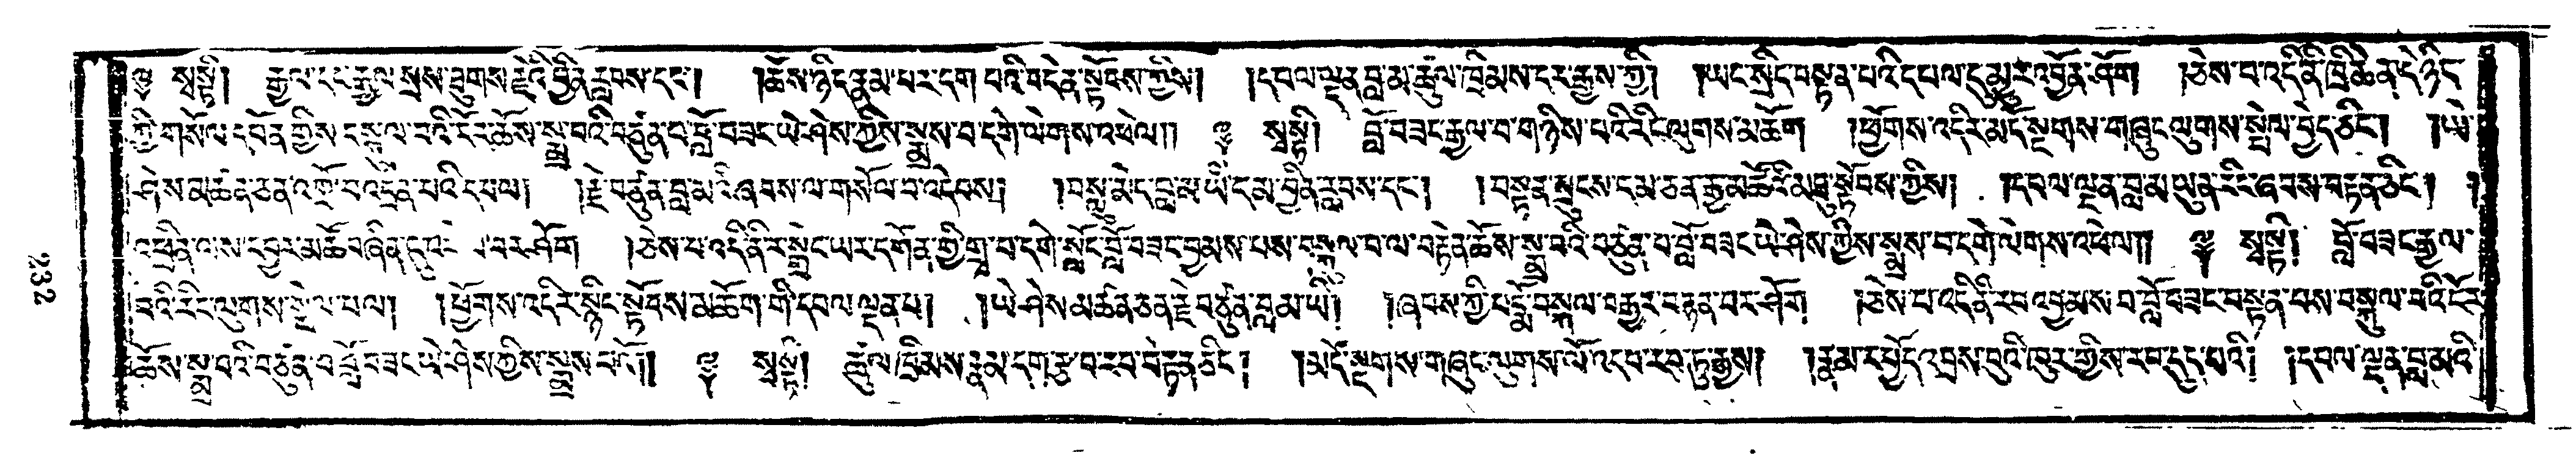༈ སྭསྟི། རྒྱལ་དང་རྒྱལ་སྲས་ཐུགས་རྗེའི་བྱིན་རླབས་དང་། །ཆོས་ཉིད་རྣམ་པར་དག་པའི་བདེན་སྟོབས་ཀྱིས། །དཔལ་ལྡན་བླ་མ་ཚུལ་ཁྲིམས་དར་རྒྱས་ཀྱི། །ཡང་སྲིད་བསྟན་པའི་དཔལ་དུ་མྱུར་འབྱོན་ཤོག །ཅེས་བ་འདི་ནི་ཁྲི་ཆེན་དེ་ཉིད་
ཀྱི་གསོལ་དབོན་གྱིས་བསྐུལ་བའི་ངོར་ཆོས་སྨྲ་བའི་བཙུན་བ་བློ་བཟང་ཡེ་ཤེས་ཀྱིས་སྨྲས་བ་དགེ་ལེགས་འཕེལ།། ༈ སྭསྟི། བློ་བཟང་རྒྱལ་བ་གཉིས་པའི་རིང་ལུགས་མཆོག །ཕྱོགས་འདིར་མདོ་སྔགས་གཞུང་ལུགས་སྤེལ་བྱེད་ཅིང་། །ཡེ་
ཤེས་མཚན་ཅན་འགྲོ་བ་འདྲེན་པའི་དཔལ། །རྗེ་བཙུན་བླ་མའི་ཞབས་ལ་གསོལ་བ་འདེབས། །བསླུ་མེད་བླ་མ་ཡི་དམ་བྱིན་རླབས་དང་། །བསྟན་སྲུངས་དམ་ཅན་རྒྱ་མཚོའི་མཐུ་སྟོབས་ཀྱིས། །དཔལ་ལྡན་བླ་མ་ཡུན་རིང་ཞབས་བརྟན་ཅིང་། །
འཕྲིན་ལས་དབྱར་མཚོ་བཞིན་དུ་འཕེབ?་བར་ཤོག །ཅེས་པ་འདི་ནི་ར་སྒྲེང་ཡར་དགོན་གྱི་གྲྭ་བ་དགེ་སློང་བློ་བཟང་བྱམས་པས་བསྐུལ་བ་ལ་བརྟེན་ཆོས་སྨྲ་བའི་བཙུན་པ་བློ་བཟང་ཡེ་ཤེས་ཀྱིས་སྨྲས་བ་དགེ་ལེགས་འཕེལ།། ༈ སྭསྟི། བློ་བཟང་རྒྱལ་
བའི་རིང་ལུགས་སྤེལ་བ་ལ། །ཕྱོགས་འདིར་སྙིང་སྟོབས་མཆོག་གི་དཔལ་ལྡན་པ། །ཡེ་ཤེས་མཚན་ཅན་རྗེ་བཙུན་བླ་མ་ཡི། །ཞབས་ཀྱི་པདམོ་བསྐལ་བརྒྱར་བརྟན་བར་ཤོག །ཅེས་པ་འདི་ནི་རབ་འབྱམས་བ་བློ་བཟང་བསྟན་པས་བསྐུལ་བའི་ངོར་
ཆོས་སྨྲ་བའི་བཙུན་བ་བློ་བཟང་ཡེ་ཤེས་ཀྱིས་སྨྲས་པའོ།། ༈ སྭསྟི། ཚུལ་ཁྲིམས་རྣམ་དག་རྩ་བ་རབ་བརྟེན་ཅིང་། །མདོ་སྔགས་གཞུང་ལུགས་ལོ་འདབ་རབ་ཏུ་རྒྱས། །རྣམ་དཔྱོད་འབྲས་བུའི་ཁུར་གྱིས་རབ་དུད་པའི། །དཔལ་ལྡན་བླ་མའི་